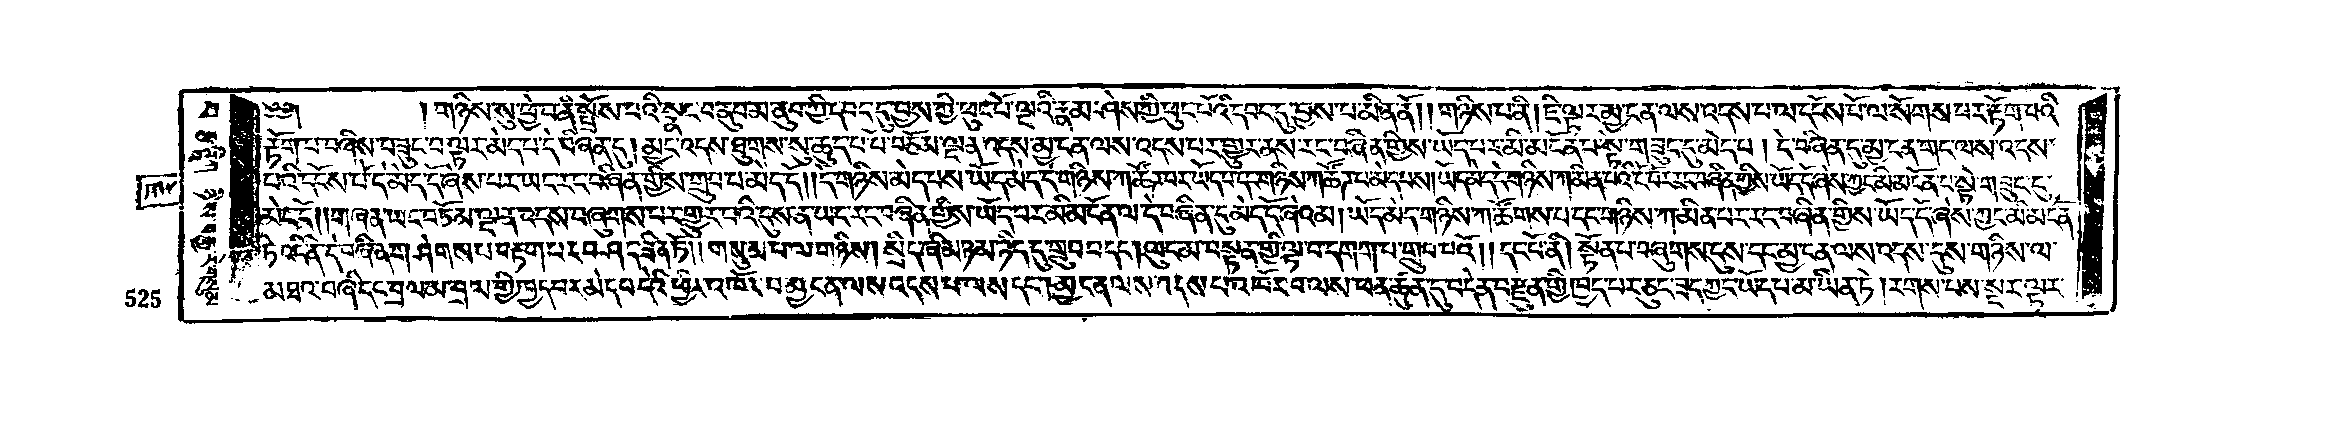༄༅། །གཉིས་སུ་ཕྱེ་བ་ནི་སྤྲོས་པའི་སྣང་བ་ནུབ་མ་ནུབ་ཀྱི་དབང་དུ་བྱས་ཀྱི་ཕུང་པོ་ལྔའི་རྣམ་ཤེས་ཀྱི་ཕུང་པོའི་དབང་དུ་བྱས་པ་མིན་ནོ། །གཉིས་པ་ནི། ཇི་ལྟར་མྱ་ངན་ལས་འདས་པ་ལ་དངོས་པོ་ལ་སོགས་པར་རྟོག་པའི་
རྟོག་པ་བཞིས་བཟུང་བ་ལྟར་མེད་པ་དེ་བཞིན་དུ། མྱང་འདས་ཐུགས་སུ་ཆུད་པ་པོ་བཅོམ་ལྡན་འདས་མྱ་ངན་ལས་འདས་པར་གྱུར་ནས་རང་བཞིན་གྱིས་ཡོད་པར་མི་མངོན་པ་སྟེ་གཟུང་དུ་མེད་པ། དེ་བཞིན་དུ་མྱ་ངན་གང་ལས་འདས་
པའི་དངོས་པོ་དེ་མེད་དོ་ཞེས་པར་ཡང་རང་བཞིན་གྱིས་གྲུབ་པ་མེད་དོ། །དེ་གཉིས་མེད་པས་ཡོད་མེད་དེ་གཉིས་ཀ་ཚོཌ་པར་ཡོད་པ་དང་གཉིས་ཀ་ཚོཌ་པ་མེད་པས། ཡོད་མེད་དེ་གཉིས་ཀ་མིན་པའི་ངོ་བོར་རང་བཞིན་གྱིས་ཡོད་དོ་ཞེས་ཀྱང་མི་མངོན་པ་སྟེ་གཟུང་དུ་
མེད་དོ། །གཞན་ཡང་བཅོམ་ལྡན་འདས་བཞུགས་པར་གྱུར་པའི་དུས་ན་ཡང་རང་བཞིན་གྱིས་ཡོད་པར་མི་མངོན་ལ་དེ་བཞིན་དུ་མེད་དེ་ཞེའམ། ཡོད་མེད་གཉིས་ཀ་ཚོགས་པ་དང་གཉིས་ཀ་མིན་པར་རང་བཞིན་གྱིས་ཡོད་དོ་ཞེས་ཀྱང་མི་མངོན་
ཏེ་འདི་ནི་དེ་བཞིན་གཤེགས་པ་བརྟག་པར་བཤད་ཟིན་ཏོ། །གསུམ་པ་ལ་གཉིས། །སྲིད་ཞི་མཉམ་ཉིད་དུ་གྲུབ་པ་དང་། ལུང་མ་བསྟན་གྱི་ལྟ་བ་དགག་པ་གྲུབ་པའོ། །དང་པོ་ནི། སྟོན་པ་བཞུགས་དུས་དང་མྱ་ངན་ལས་འདས་དུས་གཉིས་ལ་
མཐའ་བཞི་དང་བྲལ་མ་བྲལ་གྱི་ཁྱད་པར་མེད་པ་དེའི་ཕྱིར་འཁོར་བ་མྱ་ངན་ལས་འདས་པ་ལས་དང་། མྱ་ངན་ལས་འདས་པ་འཁོར་བ་ལས་ཕན་ཚུན་དུ་བདེན་བརྫུན་གྱི་ཁྱད་པར་ཅུང་ཟད་ཀྱང་ཡོད་པ་མ་ཡིན་ཏེ། རགས་པས་སྔར་ལྟར་